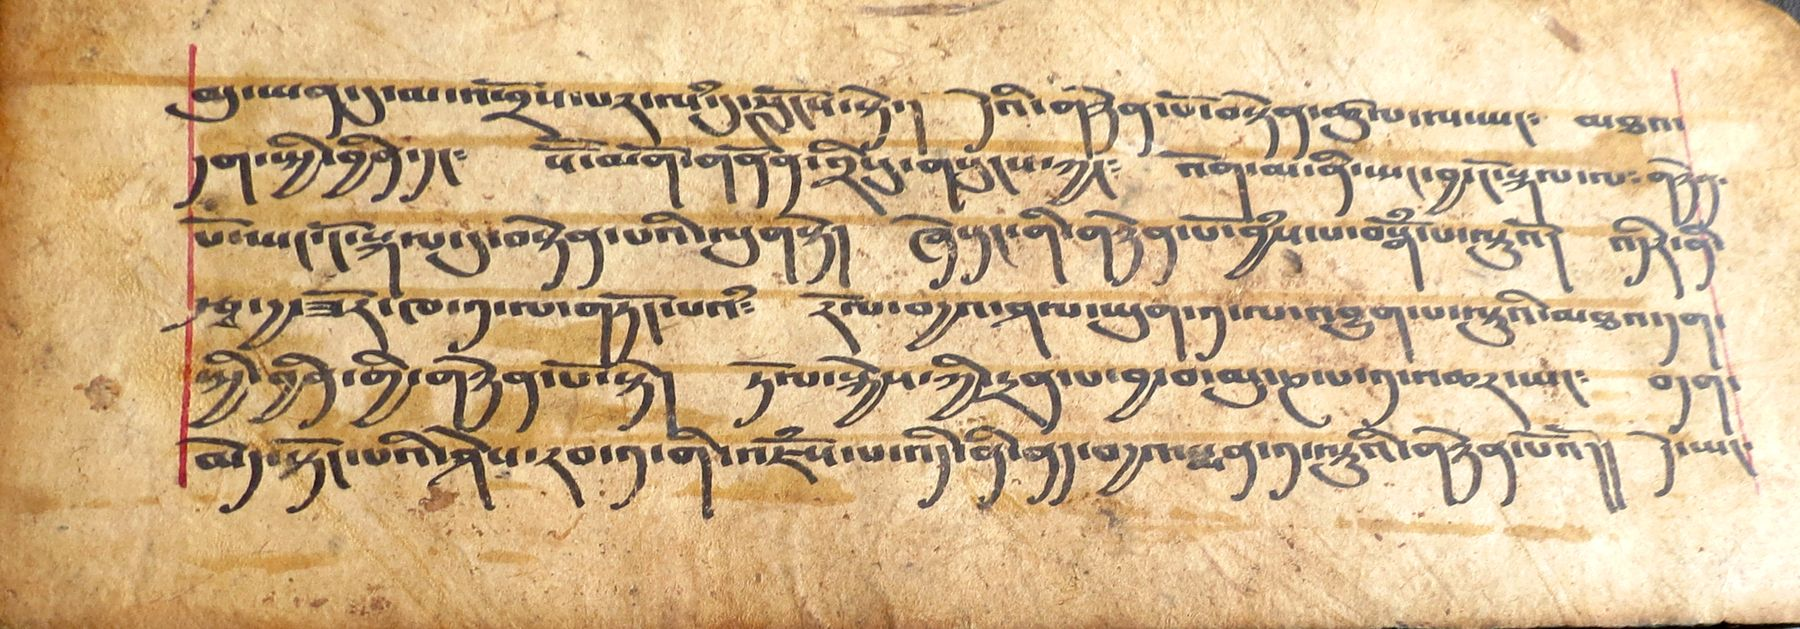མུ་ཡན་དུ་མ་འཕྲོས་པར་ཉམས་སུ་བླངས་སྟེ། དེའི་གཉེན་པོ་བསྟེན་ཚུལ་ལ་ཡང་། མཐའ་
དག་སྤྱི་འབྱིན་དང་། སོ་སོ་མགོ་གནོན་གཉིས་སུ་གསུངས་ཀྱང་འོག་མ་ནི་སྤང་བྱ་ངོ་སྐལ་ལ་གཉེན་
པོ་ཡང་ངོ་སྐལ་དུ་བརྟེན་པའི་ལུགས་ཏེ། ཞེ་སྡང་གི་གཉེན་པོར་བྱམས་པ་བསྒོམ་པ་ལྟ་བུའོ། འདིར་ནི་
རྩྭ་བརྒྱ་ཟོར་ཁམ་གཅིག་ལ་བཏང་བ་ལྟ་བུའམ། རོལ་བརྒྱ་ཤལ་ཡུག་གཅིག་ལ་བྱུག་པ་ལྟ་བུའི། མཐའ་དག་
སྤྱི་འབྱིན་གྱི་གཉེན་པོ་སྟེ། ཏོལ་སྐྱེས་ཀྱི་དྲན་པ་བྱ་བ་མུ་མེད་པ་ཞིག་འཆར་ཡང་། བདག་
མེད་དུ་རྟོགས་པའི་ཤེས་རབ་གཅིག་གིས་འཇོམས་པ་འདི་ནི་ནད་བརྒྱ་སྨན་གཅིག་ལྟ་བུའི་གཉེན་པོའོ། ། དེ་ལ་ཡང་